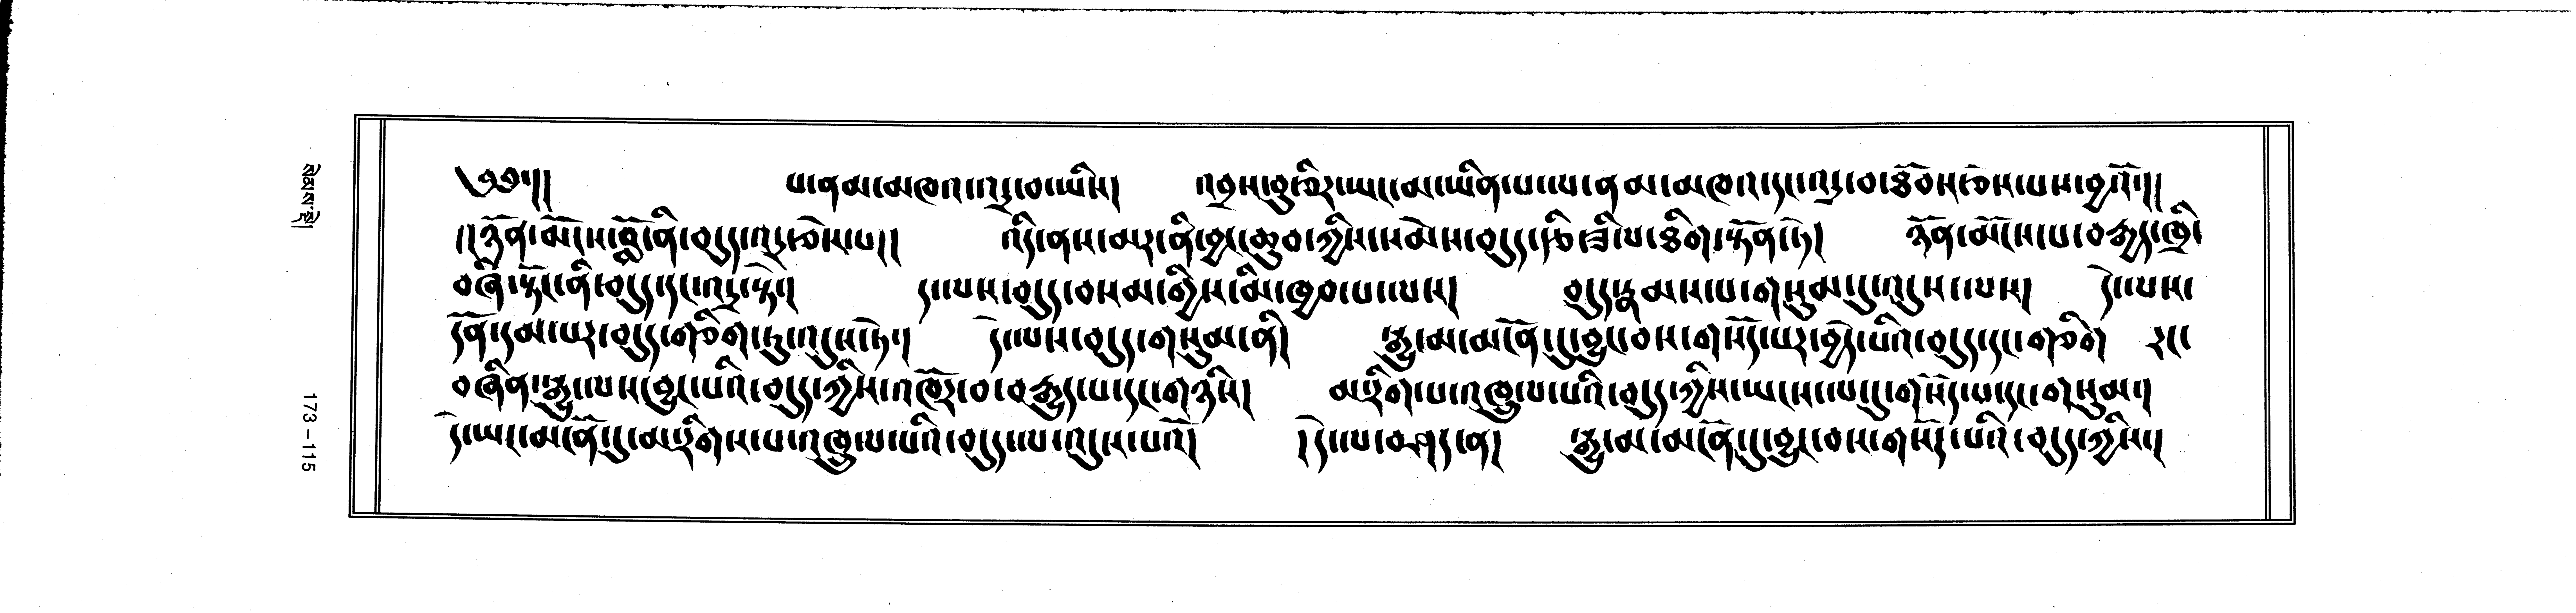ནམ་མཁའ་འདྲ་བ་ཡིས། འབྲས་བུ་ཅིར་ཡང་མ་ཡིན་པ་ལ་ནམ་མཁའ་དང་འདྲ་བ་ཐོབ་ཅེས་པས་བྱའོ། ། 
ཉོན་མོངས་བློ་ནི་བདུད་འདྲ་ཅེས་པས། འདི་ནས་མར་ནི་བདུད་རྩི་ཟིལ་ཐིག་སྟོན་ཏེ། ཉོན་མོངས་པ་བརྒྱད་ཁྲི་
བཞི་སྟོང་ནི་བདུད་དང་འདྲ་སྟེ། དེ་ལས་བདུད་བསམ་གྱིས་མི་ཁྱབ་པ་ལས། བདུད་རྣམ་པ་གསུམ་དུ་འདུས་ལས། དེ་ལས་
དོན་དམ་པར་བདུད་གཅིག་ཏུ་འདུས་ཏེ། དེ་ལས་བདུད་གསུམ་ནི། སྒྱུ་མ་མངོན་དུ་བྱུང་བས་གསོད་པར་བྱེད་པའི་བདུད་དང་གཅིག རང་
བཞིན་སྒྱུ་ལས་བྱུང་བའི་བདུད་ཀྱིས་འཁོར་བ་བརྒྱུད་པ་དང་གཉིས། མ་རིག་པ་འཁྲུལ་པའི་བདུད་ཀྱིས་ཡང་ལ་དུ་གསོད་པ་དང་གསུམ། 
དེ་ཡང་མངོན་དུ་མ་རིག་པ་འཁྲུལ་པའི་བདུད་ལ་འདུས་པའོ། །དེ་ལ་བཤད་ན། སྒྱུ་མ་མངོན་དུ་བྱུང་བས་གསོད་པར་བྱེད་པའི་བདུད་ཀྱིས་